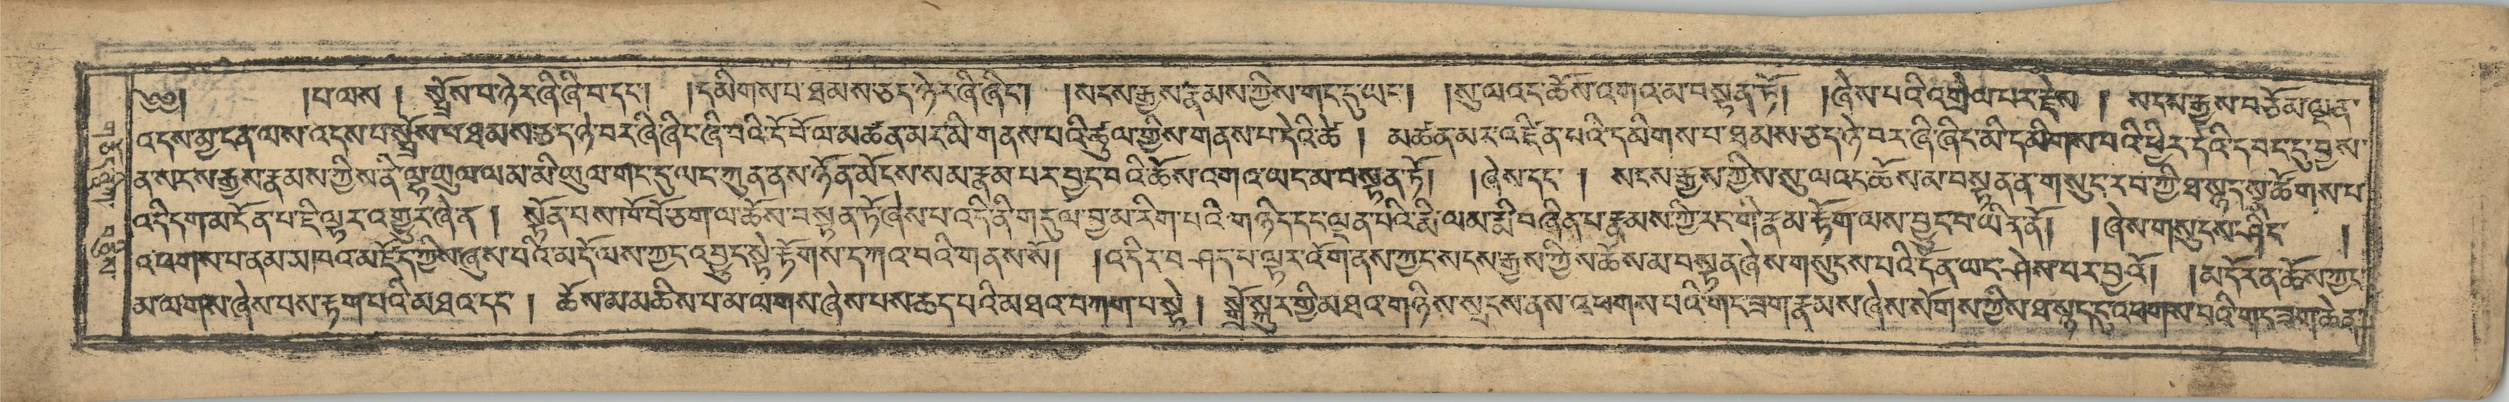༄༅། །པ་ལས། སྤྲོས་པ་ཉེར་ཞི་ཞི་བ་དང་། །དམིགས་པ་ཐམས་ཅད་ཉེར་ཞི་ཞིང་། །སངས་རྒྱས་རྣམས་ཀྱིས་གང་དུ་ཡང་། །སུ་ལའང་ཆོས་འགའ་མ་བསྟན་ཏོ། །ཞེས་པའི་འགྲེལ་པར་རྗེས། སངས་རྒྱས་བཅོམ་ལྡན་
འདས་མྱ་ངན་ལས་འདས་པ་སྤྲོས་པ་ཐམས་ཅད་ཉེ་བར་ཞི་ཞིང་ཞི་བའི་ངོ་བོ་ལ་མཚན་མར་མི་གནས་པའི་ཚུལ་གྱིས་གནས་པ་དེའི་ཚེ། མཚན་མར་འཛིན་པའི་དམིགས་པ་ཐམས་ཅད་ཉེ་བར་ཞི་ཞིང་མི་དམིགས་པའི་ཕྱིར་དེའི་དབང་དུ་བྱས་
ན་སངས་རྒྱས་རྣམས་ཀྱིས་ནི་ལྷ་ཡུལ་ལམ་མི་ཡུལ་གང་དུ་ཡང་ཀུན་ནས་ཉོན་མོངས་སམ་རྣམ་པར་བྱང་བའི་ཆོས་འགའ་ཡང་མ་བསྟན་ཏོ། །ཞེས་དང་། སངས་རྒྱས་ཀྱིས་སུ་ལའང་ཆོས་མ་བསྟན་ན་གསུང་རབ་ཀྱི་ཐ་སྙད་སྣ་ཚོགས་དང་
འདི་དག་མངོན་པ་ཇི་ལྟར་འགྱུར་ཞེ་ན། སྟོན་པས་ཁོ་བོ་ཅག་ལ་ཆོས་བསྟན་ཏོ་ཞེས་པ་འདི་ནི་གདུལ་བྱ་མ་རིག་པའི་གཉིད་དང་ལྡན་པའི་རྨི་ལམ་རྨི་བཞིན་པ་རྣམས་ཀྱི་རང་གི་རྣམ་རྟོག་ལས་བྱུང་བ་ཡིན་ནོ། །ཞེས་གསུངས་ཤིང་།
འཕགས་པ་ནམ་མཁའ་མཛོད་ཀྱིས་ཞུས་པའི་མདོ་ལས་ཀྱང་འབྱུང་སྟེ་རྟོགས་དཀའ་བའི་གནས་སོ། །འདིར་བཤད་པ་ལྟར་འོག་ནས་ཀྱང་སངས་རྒྱས་ཀྱིས་ཆོས་མ་བསྟན་ཞེས་གསུངས་པའི་དོན་ཡང་ཤེས་པར་བྱའོ། །མདོར་ན་ཆོས་ཀྱང་
མ་ལགས་ཞེས་པས་རྟག་པའི་མཐའ་དང་། ཆོས་མ་མཆིས་པ་མ་ལགས་ཞེས་པས་ཆད་པའི་མཐའ་བཀག་པ་སྟེ། སྒྲོ་སྐུར་གྱི་མཐའ་གཉིས་སྤངས་ནས་འཕགས་པའི་གང་ཟག་རྣམས་ཞེས་སོགས་ཀྱིས་ཐ་སྙད་དུ་འཕགས་པའི་གང་ཟག་ཆེན་